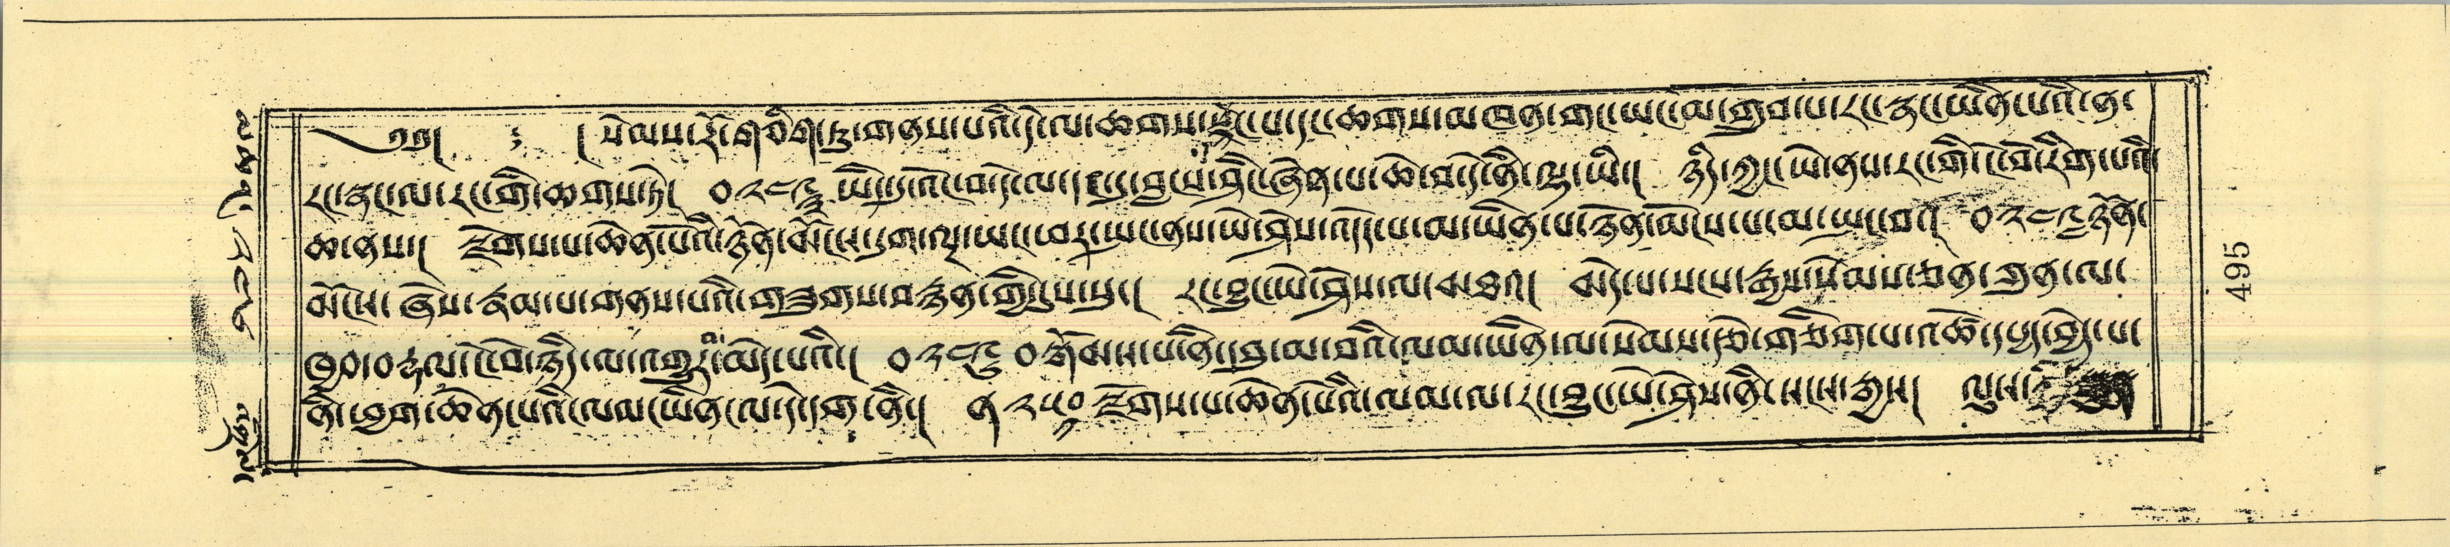སེམས་གཅིག་ཏུ་གནས་པའི་དེ་ལ་ཆགས་པ་དང་སྡང་བ་དང་ཆགས་མཁན་གང་ཡང་མ་གྲུབ་པ་རང་སྣང་ཡིན་པས་ན་
རང་སྣང་ལ་རང་གིས་ཆགས་ཏེ་ བ༢༤༩།༣ཡིད་དུ་འོང་བ་དེ་ལ་དང་དུ་བླངས་ཤིང་ཞེན་པ་ཆེ་བ་དེ་ནི་ལྷ་ཡི་༼ཉིད་ཀྱང༽ཡེ་ནས་རང་གི་ངོ་བོ་རིག་པའི་
ཆ་ནས་ རྫོགས་པ་ཆེན་པོའི་ཉོན་མོངས་དུག་ལྔ་ཡང་ཕར་སྤངས་ནས་ཡེ་ཤེས་འདོད་པ་མ་ཡིན་པ་ཉོན་མོངས་པ་མ་སྤང་བ་ བ༢༤༩།༤ཉོན་
མོངས་ཞེས་རྣམ་པ་གནས་པའི་གཟུགས་བརྙན་གྱི་དུས་སུ་ རང་འབྱུང་ཡེ་ཤེས་ལ་མཐའ་ མེད་པ་སངས་རྒྱས་སེམས་ཅན་ཀུན་ལ་
༼ཁྱབ་བརྡལ༽ངོ་བོ་ཉིད་ལ་འགྱུར་བ་མེད་པའི་བ༢༤༩།༦༼བསྒོམས་༽པ་ནི་དབུ་མ་བའི་ལམ་ཡིན་ལ་སེམས་རྩེ་གཅིག་པ་འཚོ་དཔྱད་བྱེད་པ་
ནི་ཕྱག་ཆེན་པའི་ལམ་ཡིན་ལ་དེ་དག་ནི་ན༢༥༠།༡རྫོགས་པ་ཆེན་པོའི་ལམ་ལ་རང་བྱུང་ཡེ་ཤེས་ནི་༼སངས་རྒྱས༽༼ལུས༽